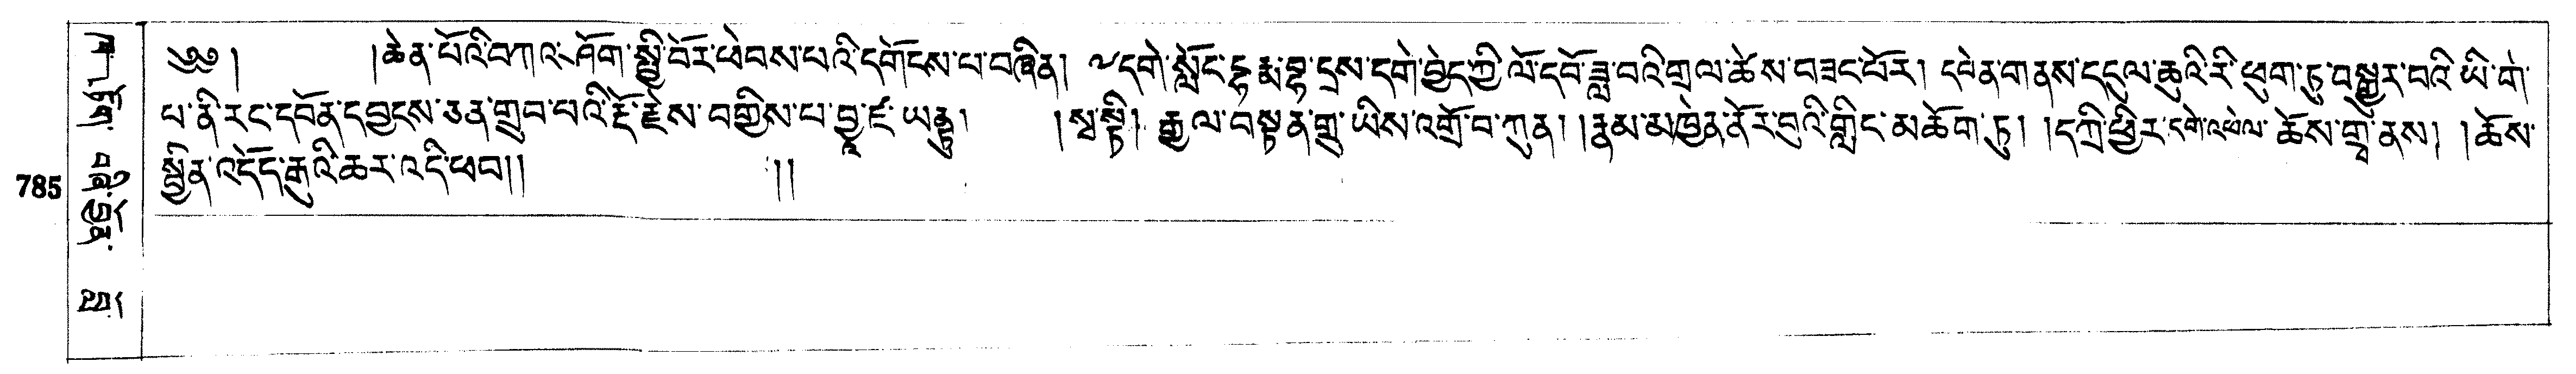༄༅། །ཆེན་པོའི་བཀའ་ཤོག་སྤྱི་བོར་ཕེབས་པའི་དགོངས་པ་བཞིན། དགེ་སློང་དྷརྨ་བྷ་དྲས་དགེ་བྱེད་ཀྱི་ལོ་དབོ་ཟླ་བའི་གྲལ་ཚེས་བཟང་པོར། དབེན་གནས་དངུལ་ཆུའི་རི་ཕུག་ཏུ་བསྒྱུར་བའི་ཡི་གེ་
པ་ནི་རང་དབོན་དབྱངས་ཅན་གྲུབ་པའི་རྡོ་རྗེས་བགྱིས་པ་བྱཱ་ཛ་ཡན་ཏུ། །སྭ་སྟི། རྒྱལ་བསྟན་གྲུ་ཡིས་འགྲོ་བ་ཀུན། །རྣམ་མཁྱེན་ནོར་བུའི་གླིང་མཆོག་ཏུ། །དཀྲི་ཕྱིར་དགེ་འཕེལ་ཆོས་གྲྭ་ནས། །ཆོས་
སྦྱིན་འདོད་རྒུའི་ཆར་འདི་ཕབ།། །།